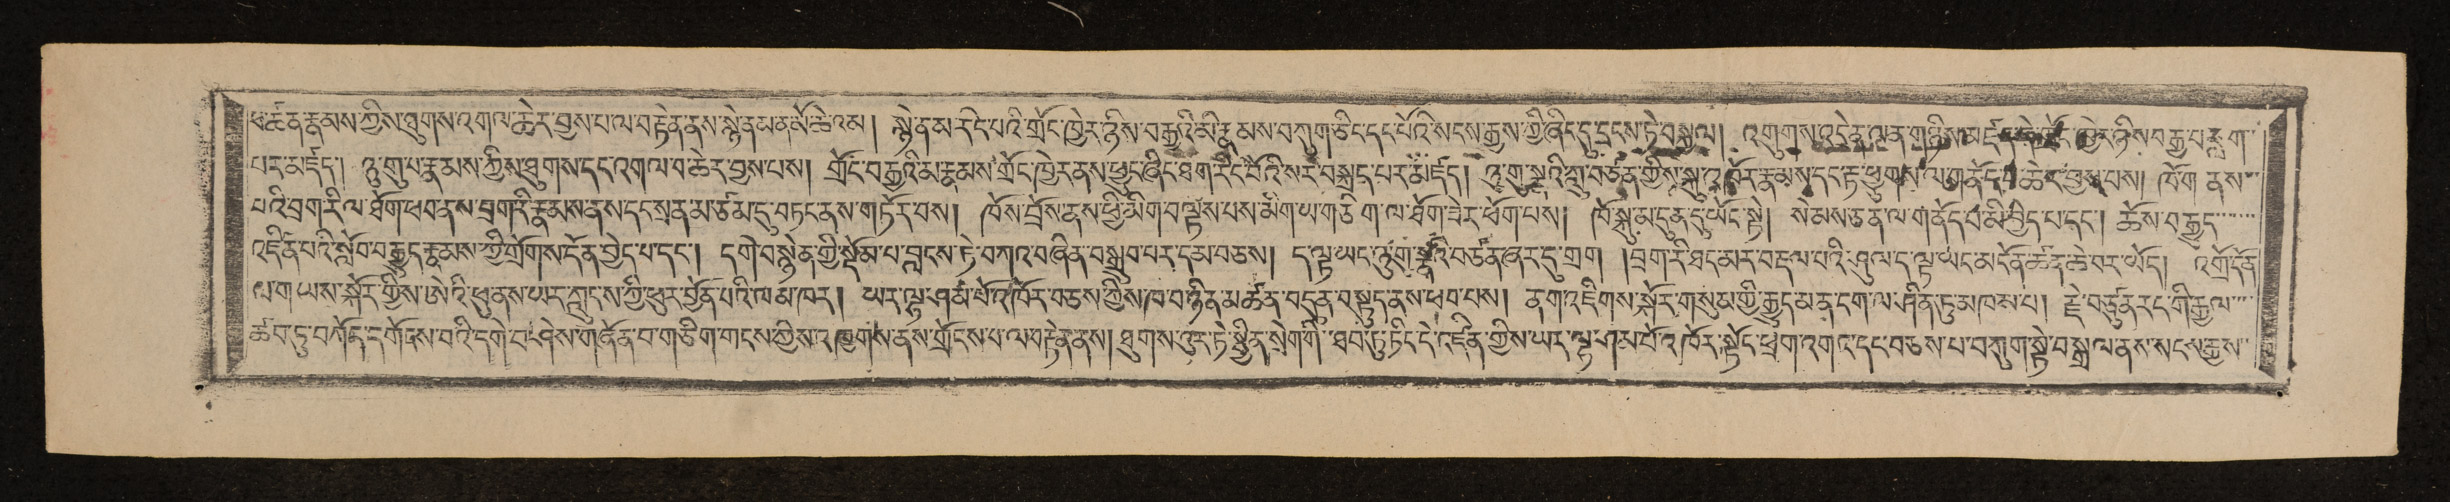ཕ་ཚན་རྣམས་ཀྱིས་ཐུགས་འགལ་ཆེར་བྱས་པ་ལ་བརྟེན་ནས་སྙེ་ནམ་ན་མོ་ཆེའམ། སྙེ་ནམ་རིང་པའི་གྲོང་ཁྱེར་ཉིས་བརྒྱའི་མི་རྣམས་བཀུག་ཅིང་དང་པོའི་སངས་རྒྱས་ཀྱི་ཞིང་དུ་དྲངས་ཏེ་བསྐྱལ། འགུགས་འདྲེན་ལན་གཉིས་མཛད་དེ་གྲོང་ཁྱེར་ཉིས་བརྒྱ་བརླག་
པར་མཛད། ཉུ་གུ་བ་རྣམས་ཀྱིས་ཐུགས་དང་འགལ་བ་ཆེར་བྱས་པས། གྲོང་བརྒྱའི་མི་རྣམས་གྲོང་ཁྱེར་ནས་ཕྱུང་ཞིང་ཐག་རིང་པོའི་སར་བསྐྲད་པར་མཛད། ཉུ་གུ་སྣའི་ཀླུ་བཙན་གྱིས་སྐུ་འཁོར་རྣམས་དང་རྟ་ཕྱུགས་ལ་གནོད་པ་ཆེར་བྱས་པས། ཁོ་གནས་
པའི་བྲག་རིལ་ཐོག་ཕབ་ནས་བྲག་རི་རྣམས་ནས་དང་སྲན་མ་ཙམ་དུ་བཏང་ནས་གཏོར་བས། ཁོས་བྲོས་ནས་ཕྱི་མིག་བལྟས་པས་མིག་ཡ་གཅིག་ལ་ཐོག་ཟེར་ཕོག་པས། ཁོ་སྐུ་མདུན་དུ་ཡོང་སྟེ། སེམས་ཅན་ལ་གནོད་པ་མི་བྱེད་པ་དང་། ཆོས་བརྒྱུད་
འཛིན་པའི་སློབ་བརྒྱུད་རྣམས་ཀྱི་གྲོགས་དན་བྱེད་པ་དང་། དགེ་བསྙེན་གྱི་སྡོམ་པ་བླངས་ཏེ་བཀའ་བཞིན་བསྒྲུབ་པར་དམ་བཅས། ད་ལྟ་ཡང་ཉུ་གུ་སྣའི་བཙན་ཞར་དུ་གྲག །བྲག་རི་ཐང་མར་བརྡལ་བའི་ཤུལ་ད་ལྟ་ཡང་མངོན་ཚན་ཆེ་བར་ཡོད། འགྲོ་དོན་
ལ་གཡས་སྐོར་གྱིས་ཨེའི་ཕུ་ནས་ཡར་ཀླུངས་ཀྱི་ཕུར་བྱོན་པའི་ལམ་ཁར། ཡར་ལྷ་ཤམ་བོ་འཁོར་བཅས་ཀྱིས་ཁ་བ་ཉིན་མཚན་བདུན་བསྟུང་ནས་ཕབ་པས། ནག་འཇིགས་སྐོར་གསུམ་གྱི་རྒྱུད་མན་ངག་ལ་ཤིན་ཏུ་མཁས་པ། རྗེ་བཙུན་རང་གི་རྒྱལ་
ཚབ་ཏུ་བཀོད་དགོངས་པའི་དགེ་བཤེས་གཞོན་པ་གཅིག་གངས་ཀྱིས་པ་ཕྱགས་ནས་གྲོངས་པ་ལ་བརྟེན་ནས། ཐུགས་འུར་ཏེ་སྦྱིན་སྲེག་གི་ཐབ་ཏུ་ཏིང་ངེ་འཛིན་གྱིས་ཡར་ལྷ་ཤམ་པོ་འཁོར་སྟོང་ཕྲག་འགའ་དང་བཅས་པ་བཀུག་སྟེ་བསྒྲལ་ནས་སངས་རྒྱས་